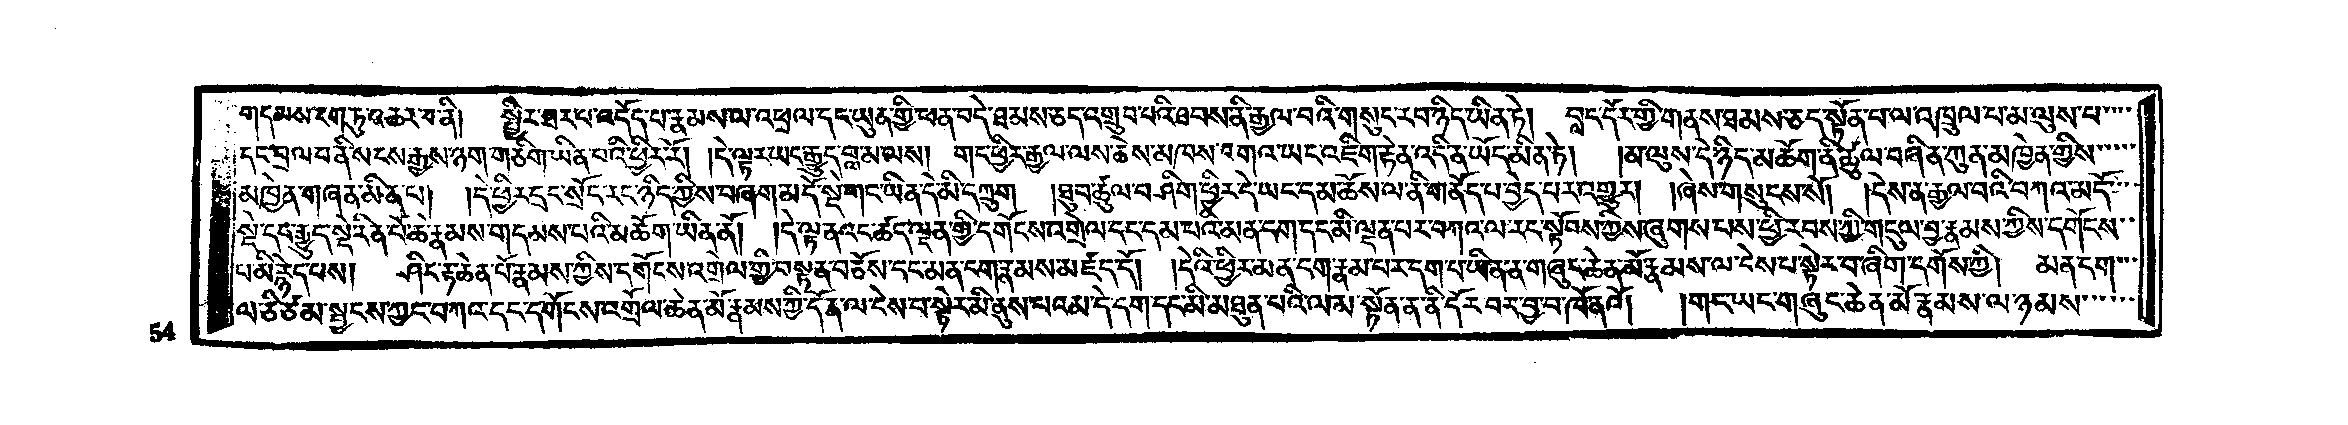གདམས་ངག་ཏུ་འཆར་བ་ནི། སྤྱིར་ཐར་པ་འདོད་པ་རྣམས་ལ་འཕྲལ་དང་ཡུན་གྱི་ཕན་བདེ་ཐམས་ཅད་འགྲུབ་པའི་ཐབས་ནི་རྒྱལ་བའི་གསུང་རབ་ཉིད་ཡིན་ཏེ། བླང་དོར་གྱི་གནས་ཐམས་ཅད་སྟོན་པ་ལ་འཁྲུལ་པ་མ་ལུས་པ་
དང་བྲལ་བ་ནི་སངས་རྒྱས་ཉག་གཅིག་ཡིན་པའི་ཕྱིར་རོ། །དེ་ལྟར་ཡང་རྒྱུད་བླ་མ་ལས། གང་ཕྱིར་རྒྱལ་ལས་ཆེས་མཁས་འགའ་ཡང་འཇིག་རྟེན་འདི་ན་ཡོད་མིན་ཏེ། །མ་ལུས་དེ་ཉིད་མཆོག་ནི་ཚུལ་བཞིན་ཀུན་མཁྱེན་གྱིས་
མཁྱེན་གཞན་མིན་པ། །དེ་ཕྱིར་དྲང་སྲོང་རང་ཉིད་ཀྱིས་བཞག་མདོ་སྡེ་གང་ཡིན་དེ་མི་དཀྲུག །ཐུབ་ཚུལ་བཤིག་ཕྱིར་དེ་ཡང་དམ་ཆོས་ལ་ནི་གནོད་པ་བྱེད་པར་འགྱུར། །ཞེས་གསུངས་སོ། །དེས་ན་རྒྱལ་བའི་བཀའ་མདོ་
སྡེ་དང་རྒྱུད་སྡེ་རིན་པོ་ཆེ་རྣམས་གདམས་པའི་མཆོག་ཡིན་ནོ། །དེ་ལྟ་ནའང་ཚད་ལྡན་གྱི་དགོངས་འགྲེལ་དང་དམ་པའི་མན་ངག་དང་མི་ལྡན་པར་བཀའ་ལ་རང་སྟོབས་ཀྱིས་ཞུགས་པས་ཕྱི་རབས་ཀྱི་གདུལ་བྱ་རྣམས་ཀྱིས་དགོངས་
པ་མི་རྙེད་པས། ཤིང་རྟ་ཆེན་པོ་རྣམས་ཀྱིས་དགོངས་འགྲེལ་གྱི་བསྟན་བཅོས་དང་མན་ངག་རྣམས་མཛད་དོ། །དེའི་ཕྱིར་མན་ངག་རྣམ་པར་དག་པ་ཡིན་ན་གཞུང་ཆེན་མོ་རྣམས་ལ་ངེས་པ་སྟེར་བ་ཞིག་དགོས་ཀྱི། མན་ངག་
ལ་ཅི་ཙམ་སྦྱངས་ཀྱང་བཀའ་དང་དགོངས་འགྲེལ་ཆེན་མོ་རྣམས་ཀྱི་དོན་ལ་ངེས་པ་སྟེར་མི་ནུས་པའམ་དེ་དག་དང་མི་མཐུན་པའི་ལམ་སྟོན་ན་ནི་དོར་བར་བྱ་བ་ཁོ་ནའོ། །གང་ཡང་གཞུང་ཆེན་མོ་རྣམས་ལ་ཉམས་